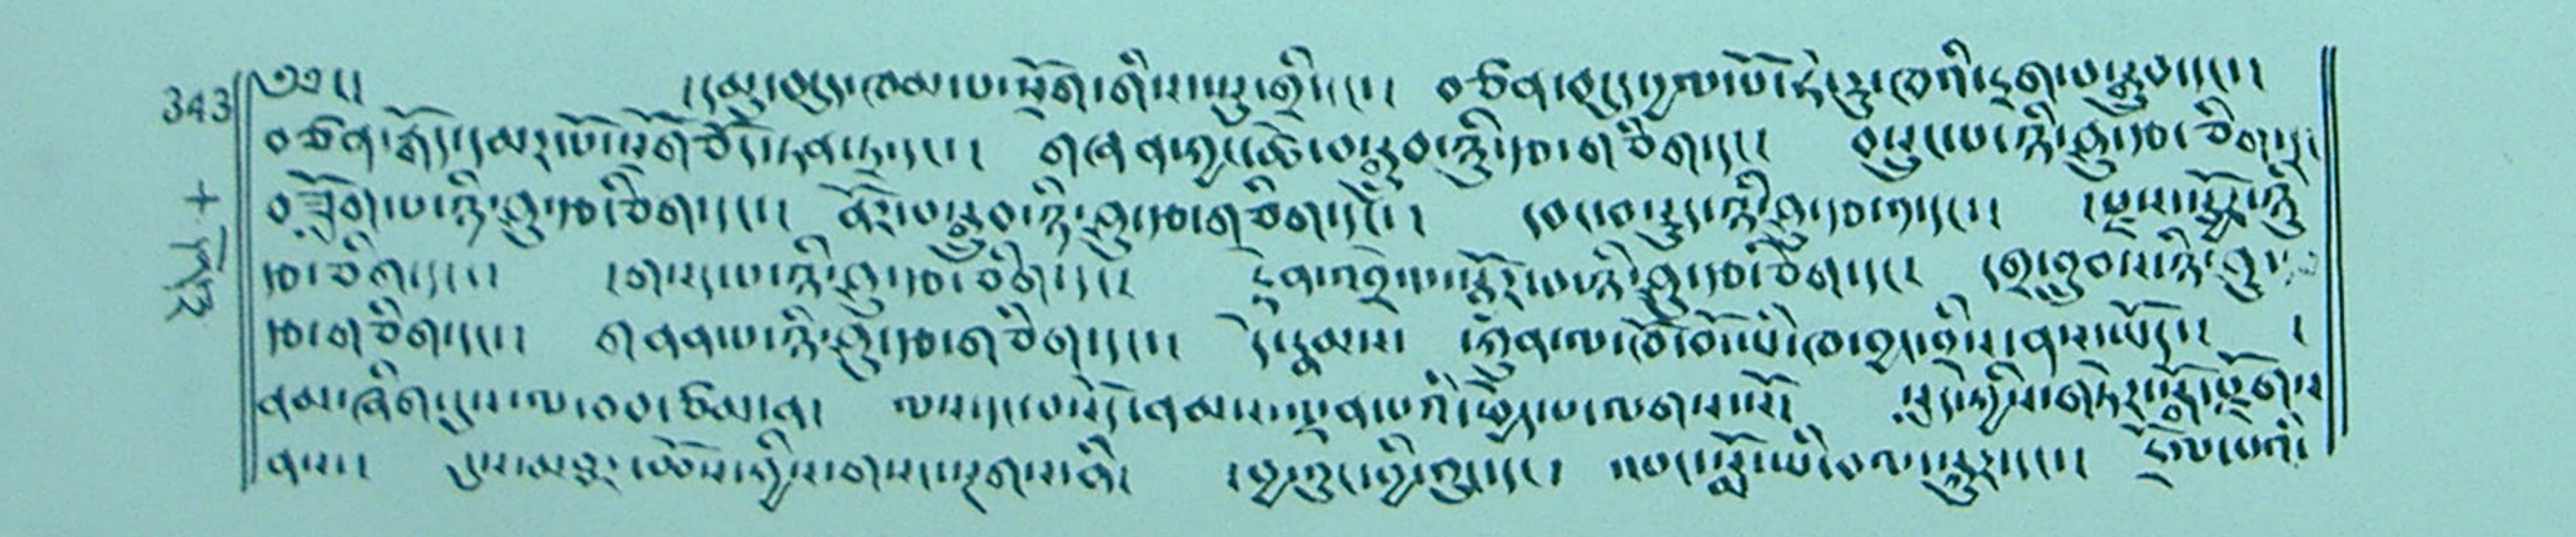༄༅། །དམུ་བདུད་ཁམ་པ་སྲོག་གིས་སྤུ་གྲི་དང་། བཙན་བདུད་རྒྱལ་བོ་ཧེ་རུ་ཀའི་དྲག་བསྒྲུབ་དང་། 
བཙན་རྒོད་དམར་པོ་སྲོག་གཅོད་ཏན་ཏྲ་དང་། གཞན་ཀྱང་ཚེ་བསྒྲུབ་ཉི་ཤུ་རྩ་གཅིག བསྲུངས་པ་ཉི་ཤུ་རྩ་གཅིག་རང་། 
བཟློག་པ་ཉི་ཤུ་རྩ་གཅིག ནོར་བསྒྲུབ་ཉི་ཤུ་རྩ་གཅིག དབང་སྡུད་ཉི་ཤུ་རྩ་གཅིག་དང་། རྫས་སྦྱོར་ཉི་ཤུ་
རྩ་གཅིག་དང་། གསད་པ་ཉི་ཤུ་རྩ་གཅིག་དང་། རྟེན་འབྲེལ་སྦྱོར་བ་ཉི་ཤུ་རྩ་གཅིག དགྲ་བྲུབས་ཉི་ཤུ་
རྩ་གཅིག གནན་པ་ཉི་ཤུ་རྩ་གཅིག་དང་། དེ་རྣམས་ཀུན་ལ་ཁོ་བོ་ཡི་ཁ་བྱང་བྲིས་ནས་ཡོད། 
ནམ་ཞིག་དུས་ལ་བབ་ཙམ་ན། ལས་དང་བསོད་ནམས་ལྡན་པའི་ཕྱེད་པ་ལགས་སོ། །སླར་གྱིས་གཏེར་སྒོ་རྫོགས་
ནས། དུས་མཐར་ཆོས་ཀྱི་གསང་སྔགས་ནི། བྱ་འུང་བྱི་འུང་དང་། འབངས་མོ་ཡི་བལ་སྐུར་དང་། དྲོལ་བའི་